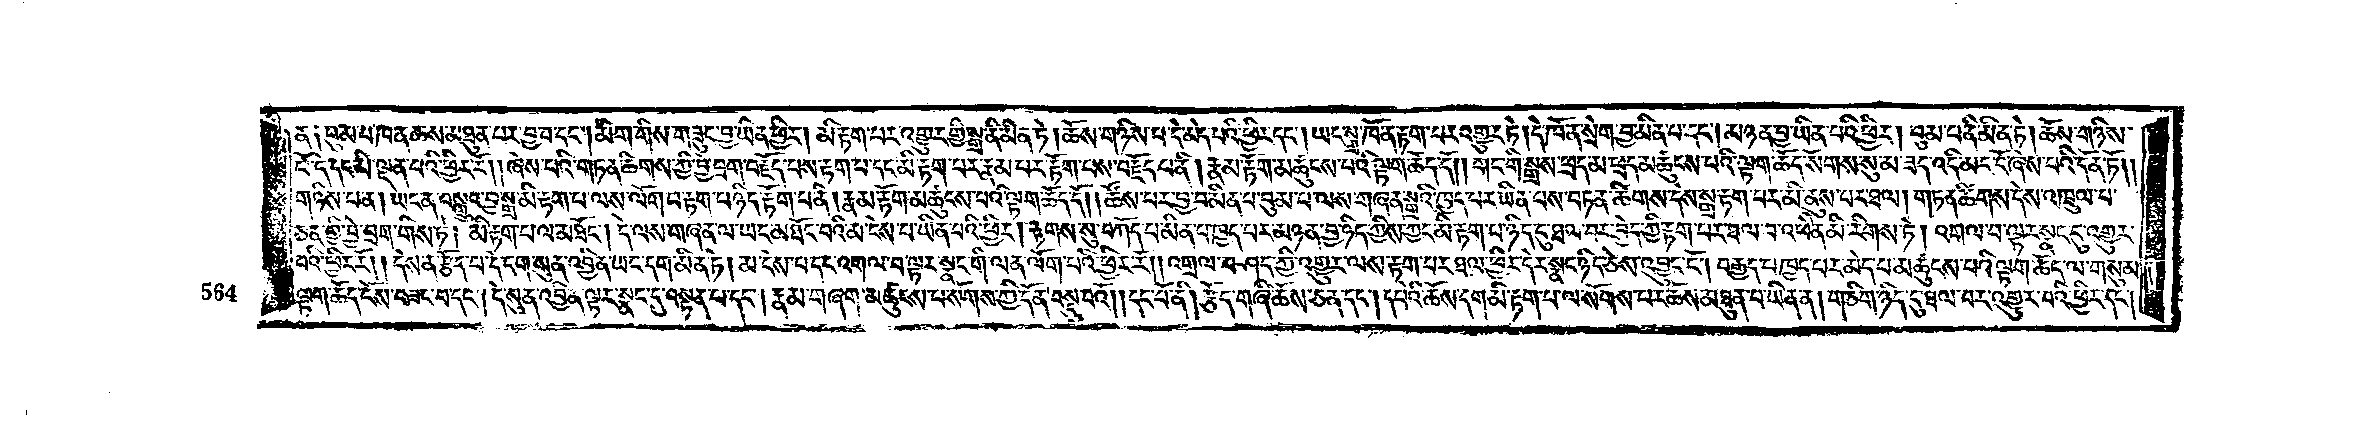ན༑ བུམ་པ་ཁོ་ན་ཆོས་མཐུན་པར་བྱ་བ་དང་། མིག་གིས་བཟུང་བྱ་ཡིན་ཕྱིར། མི་རྟག་པར་འགྱུར་གྱི་སྒྲ་ནི་མིན་ཏེ། ཆོས་གཉིས་པ་དེ་མེད་པའི་ཕྱིར་དང་། ཡང་སྒྲ་ཁོ་ན་རྟག་པར་འགྱུར་ཏེ། དེ་ཁོ་ན་སྲེག་བྱ་མིན་པ་དང་། མཉན་བྱ་ཡིན་པའི་ཕྱིར། བུམ་པ་ནི་མིན་ཏེ། ཆོས་གཉིས་
པོ་དེ་དང་མི་ལྡན་པའི་ཕྱིར་རོ། །ཞེས་པའི་གཏན་ཚིགས་ཀྱི་བྱེ་བྲག་བརྗོད་པས་རྟག་པ་དང་མི་རྟག་པར་རྣམ་པར་རྟོག་པས་བརྗོད་པ་ནི། རྣམ་རྟོག་མཚུངས་པའི་ལྟག་ཆོད་དོ། །གང་གི་སྒྲས་ཕྲད་མ་ཕྲད་མཚུངས་པའི་ལྟག་ཆོད་སོགས་སུ་མ་ཟད་འདི་མང་ངོ་ཞེས་པའི་དོན་ཏོ། །
གཉིས་པ་ནི། ཡང་ན་བསྒྲུབ་བྱ་སྒྲ་མི་རྟག་པ་ལས་ལོག་པ་རྟོག་པ་ཉིད་རྟོག་པ་ནི། རྣམ་རྟོག་མཚུངས་པའི་ལྟག་ཆོད་དོ། །ཚོས་པར་བྱ་བ་མིན་པ་བུམ་པ་ལས་གཞན་སྒྲའི་ཁྱད་པར་ཡིན་པས་བཏན་ཚིགས་དེས་སྒྲ་རྟག་པར་མི་ནུས་པར་ཐལ། གཏན་ཚིགས་དེས་འཁྲུལ་པ་
ཅན་གྱི་བྱེ་བྲག་གིས་ཏེ། མི་རྟག་པ་ལ་མཐོང་། དེ་ལས་གཞན་ལ་ཡང་མཐོང་བའི་མ་ངེས་པ་ཡིན་པའི་ཕྱིར། རྟགས་སུ་བཀོད་པ་མིན་པ་ཁྱད་པར་མཉན་བྱ་ཉིད་ཀྱིས་ཀྱང་མི་རྟག་པ་ཉིད་དུ་ཐལ་བར་བྱེད་ཀྱི་རྟག་པར་ཐལ་བ་འཕེན་མི་རིགས་ཏེ། འགལ་བ་ལྟར་སྣང་དུ་འགྱུར་
བའི་ཕྱིར་རོ། །དེས་ན་རྩོད་པ་དེ་དག་སུན་འབྱིན་ཡང་དག་མིན་ཏེ། མ་ངེས་པ་དང་འགལ་བ་ལྟར་སྣང་གི་ལན་ལོག་པའི་ཕྱིར། །འགྲེལ་བཤད་ཀྱི་འགྱུར་ལས་རྟག་པར་ཐལ་ཕྱིར་དེར་སྣང་ཉིད་ཅེས་འབྱུང་གོ། །བརྒྱད་པ་ཁྱད་པར་མེད་པ་མཚུངས་པའི་ལྟག་ཆོད་ལ་གསུམ།
ལྟག་ཆོད་ངོས་བཟུང་བ་དང་། དེ་སུན་འབྱིན་ལྟར་སྣང་དུ་བསྟན་པ་དང་། རྣམ་གཞག་མཚུངས་པ་སོགས་ཀྱི་དོན་བསྡུ་བའོ། །དང་པོ་ནི། རྩོད་གཞི་ཆོས་ཅན་དང་། དཔེའི་ཆོས་དག་མི་རྟག་པ་ལ་སོགས་པར་ཆོས་མཐུན་པ་ཡིན་ན། གཅིག་ཉིད་དུ་ཐལ་བར་འགྱུར་བའི་ཕྱིར་དང་།